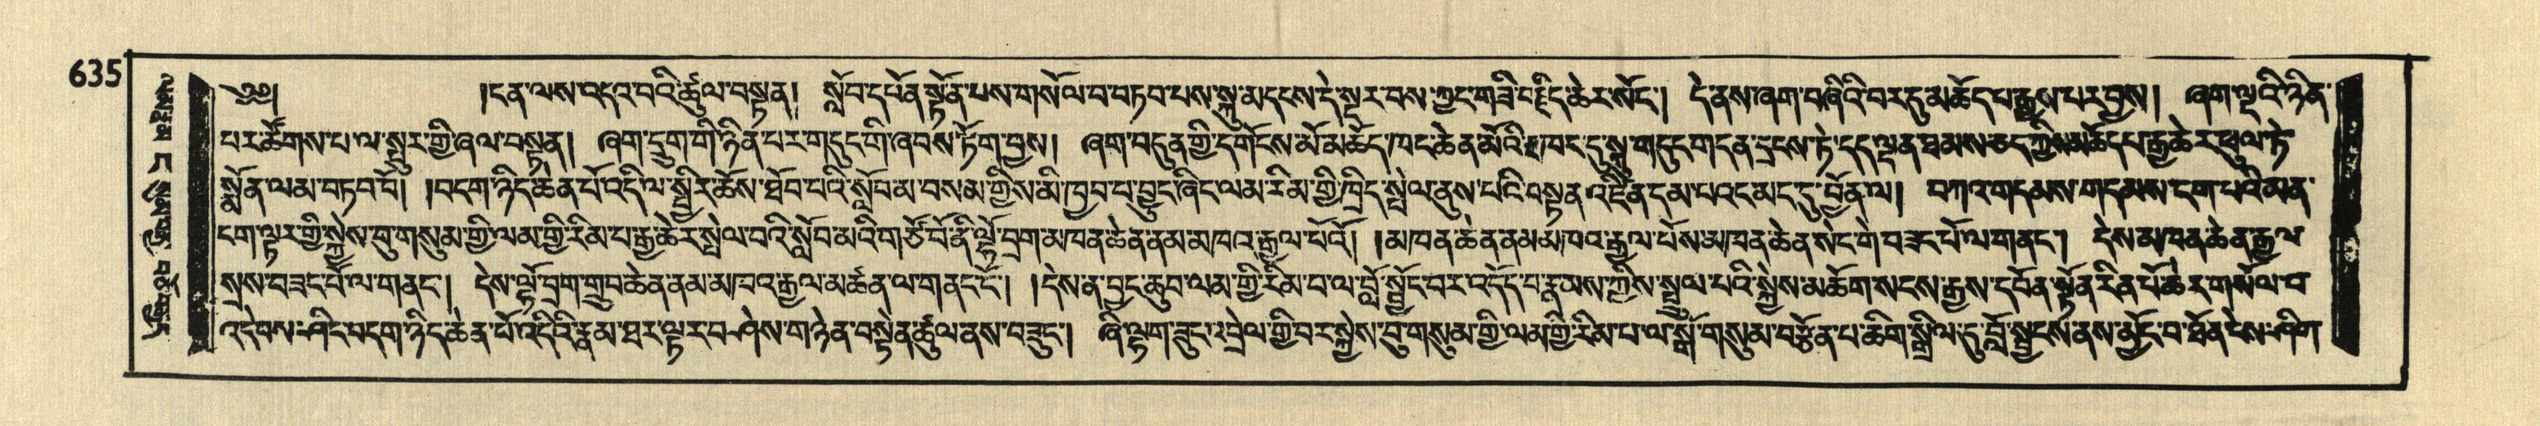༄༅། །ངན་ལས་འདའ་བའི་ཚུལ་བསྟན། སློབ་དཔོན་སྟོན་པས་གསོལ་བ་བཏབ་པས་སྐུ་མདངས་དེ་སྔར་བས་ཀྱང་གཟི་བརྗིད་ཆེར་སོང་། དེ་ནས་ཞག་བཞིའི་བར་དུ་མཆོད་པ་རྒྱས་པར་བྱས། ཞག་ལྔའི་ཉིན་
པར་ཚོགས་པ་ལ་སྤུར་གྱི་ཞལ་བསྟན། ཞག་དྲུག་གི་ཉིན་པར་གདུང་གི་ཞབས་ཏོག་བྱས། ཞག་བདུན་གྱི་དགོངས་མོ་མཆོད་ཁང་ཆེན་མོའི་རྔ་ཁང་དུ་སྐུ་གདུང་གདན་དྲངས་ཏེ་དད་ལྡན་ཐམས་ཅད་ཀྱིས་མཆོད་པ་རྒྱ་ཆེར་ཕུལ་ཏེ་
སྨོན་ལམ་བཏབ་བོ། །བདག་ཉིད་ཆེན་པོ་འདི་ལ་སྤྱིར་ཆོས་ཐོབ་པའི་སློབ་མ་བསམ་གྱིས་མི་ཁྱབ་པ་བྱུང་ཞིང་ལམ་རིམ་གྱི་ཁྲིད་སྤེལ་ནུས་པའི་བསྟན་འཛིན་དམ་པའང་མང་དུ་བྱོན་ལ། བཀའ་གདམས་གདམས་ངག་པའི་མན་
ངག་ལྟར་གྱི་སྐྱེས་བུ་གསུམ་གྱི་ལམ་གྱི་རིམ་པ་རྒྱ་ཆེར་སྤེལ་བའི་སློབ་མའི་གཙོ་བོ་ནི་ལྷོ་བྲག་མཁན་ཆེན་ནམ་མཁའ་རྒྱལ་པོའོ། །མཁན་ཆེན་ནམ་མཁའ་རྒྱལ་པོས་མཁན་ཆེན་སེང་གེ་བཟང་པོ་ལ་གནང་། དེས་མཁན་ཆེན་རྒྱལ་
སྲས་བཟང་པོ་ལ་གནང་། དེས་ལྷོ་བྲག་གྲུབ་ཆེན་ནམ་མཁའ་རྒྱལ་མཚན་ལ་གནང་ངོ། །དེས་ན་བྱང་ཆུབ་ལམ་གྱི་རིམ་བ་ལ་བློ་སྦྱོང་བར་འདོད་པ་རྣམས་ཀྱིས་སྤྲུལ་པའི་སྐྱེས་མཆོག་སངས་རྒྱས་དབོན་སྟོན་རིན་པོ་ཆེར་གསོལ་བ་
འདེབས་ཤིང་བདག་ཉིད་ཆེན་པོ་འདིའི་རྣམ་ཐར་ལྟར་བཤེས་གཉེན་བསྟེན་ཚུལ་ནས་བཟུང་། ཞི་ལྷག་ཟུང་འབྲེལ་གྱི་བར་སྐྱེས་བུ་གསུམ་གྱི་ལམ་གྱི་རིམ་པ་ལ་སྒོ་གསུམ་བརྩོན་པ་ཆིག་སྒྲིལ་དུ་བློ་སྦྱངས་ནས་མྱོང་བ་ཐོན་ངེས་ཤིག་